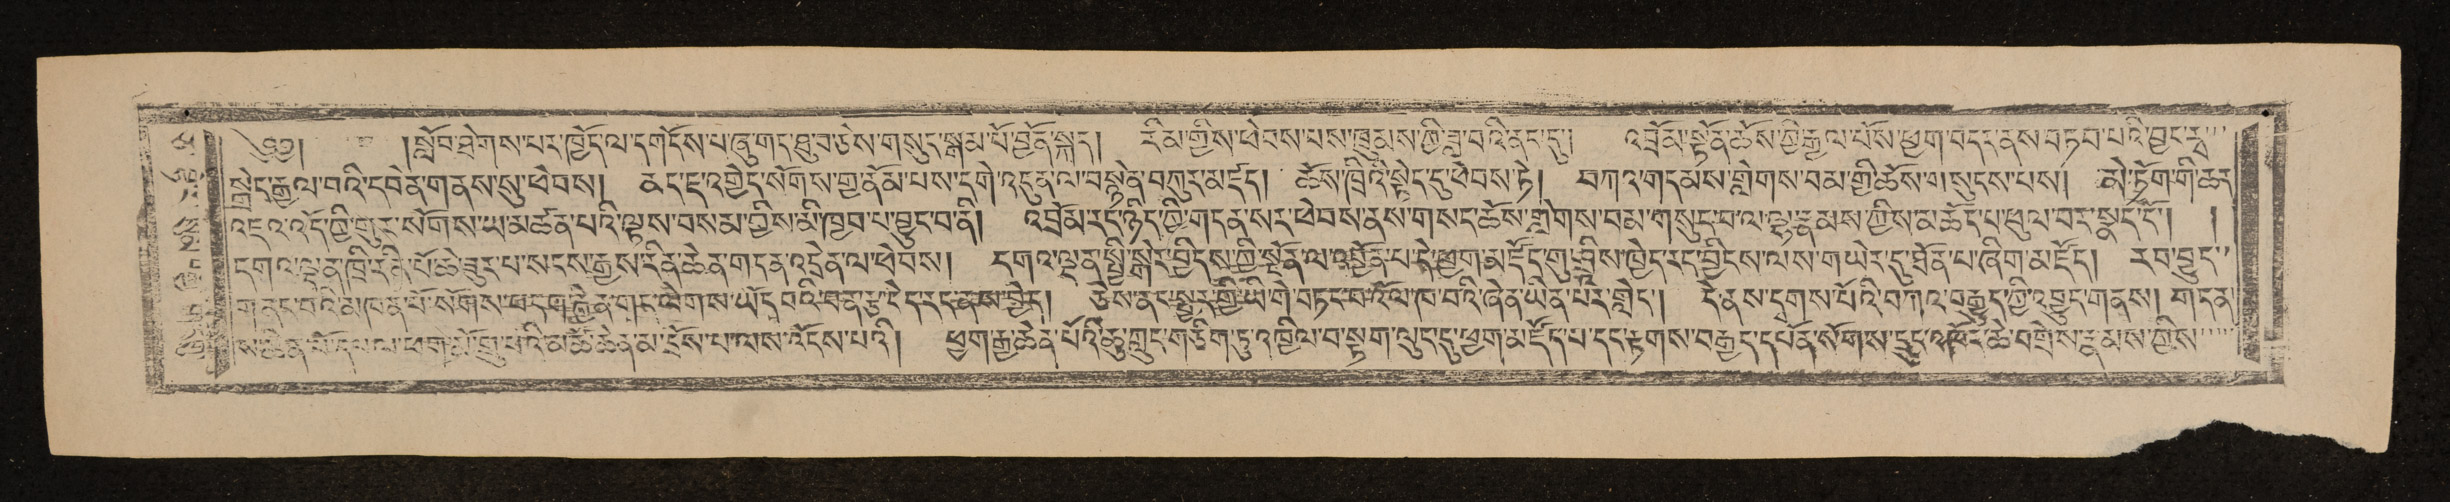༄༅། །སློབ་ཐེགས་པར་ཁྱོད་ལ་དགོངས་པ་ཞུ་གང་ཐུབ་ཅེས་གསུང་སྒམ་པོ་བྱོན་སྐད། རིམ་གྱིས་ཕེབས་པས་ཁྲུམས་ཀྱི་ཟླ་བའི་ནང་དུ། འབྲོམ་སྟོན་ཆོས་ཀྱི་རྒྱལ་པོས་ཕྱག་བདར་ནས་བཏབ་པའི་བྱང་རྭ་
སྒྲེང་རྒྱལ་བའི་དབེན་གནས་སུ་ཕེབས། མང་ཇ་འགྱེད་སོགས་གྱ་ནོམ་པས་དགེ་འདུན་ལ་བསྙེན་བཀུར་མཛད། ཆོས་ཁྲིའི་སྟེང་དུ་ཕེབས་ཏེ། བཀའ་གདམས་གླེགས་བམ་གྱི་ཆོས་གསུངས་པས། མེ་ཏོག་གི་ཆར་
འཇའ་འོད་ཀྱི་གུར་སོགས་ཡ་མཚན་པའི་ལྟས་བསམ་གྱིས་མི་ཁྱབ་པ་བྱུང་བ་ནི། འབྲོམ་རང་ཉིད་ཀྱི་གདན་སར་ཕེབས་ནས་གསང་ཆོས་གླེགས་བམ་གསུང་བ་ལ་ལྷ་རྣམས་ཀྱིས་མཆོད་པ་ཕུལ་བར་སྣང་ངོ། །
དགའ་ལྡན་ཁྲི་རིན་པོ་ཆེ་ཟུར་པ་སངས་རྒྱས་རིན་ཆེན་གདན་འདྲེན་ལ་ཕེབས། དགའ་ལྡན་སྤྱི་སྒེར་བྱིངས་ཀྱི་སྔོན་ལ་འབྱོན་པ་དེ་ཕྱག་མཛོད་གུ་ཤྲཱིས་ཁྱེད་རང་བྱིངས་ལས་གཡེར་དུ་ཐོན་པ་ཞིག་མཛོད། རབ་བྱུང་
གནང་བའི་མཁན་པོ་སོགས་བདག་རྐྱེན་གང་ལེགས་ཡོད་པའི་བན་རྩ་ངེད་རང་ནས་བྱེད། ཅེས་ནང་སྦྱར་གྱི་ཡི་གེ་བཏང་བ་འོལ་ཁ་བའི་ཞེན་ཡིན་པར་གླེང་། དེ་ནས་དྭགས་པོའི་བཀའ་བརྒྱུད་ཀྱི་འབྱུང་གནས། གདན་
ས་ཆེན་པོ་དཔལ་ཕྲག་མོ་གྲུ་བའི་མཚོ་ཆེན་མ་དྲོས་པ་ལས་འོངས་པའི། ཕྱག་རྒྱ་ཆེན་པོའི་ཆུ་ཀླུང་གཅིག་ཏུ་འཁྱིལ་བ་སྟག་ལུང་དུ་ཕྱག་མཛོད་པ་དང་རྟགས་བརྒྱད་དཔོན་སོགས་དྲུང་འཁོར་ཆེ་བགྲེས་རྣམས་ཀྱིས་